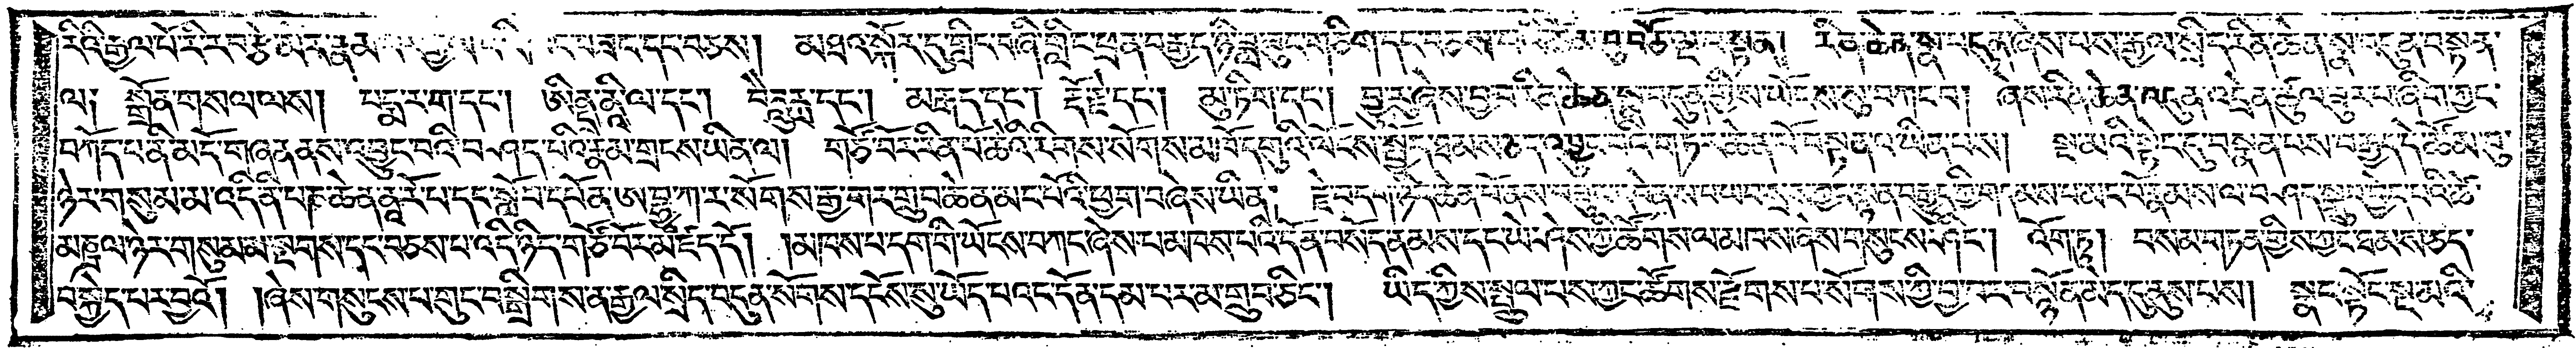རིའི་རྒྱལ་པོ་རི་རབ་རྩེ་མོར་རྣམ་པར་རྒྱལ་པའི་ཁང་བཟང་དང་བཅས། མཐའ་སྐོར་དུ་གླིང་བཞི་གླིང་ཕྲན་བརྒྱད་ཉི་ཟླ་ཟུང་གཅིག་དང་བཅས་པའི་ཚོམ་བུ་བཅོ་ལྔ་བསྟན། རིན་ཆེན་སྣ་བདུན་ཞེས་པས་རྒྱལ་སྲིད་རིན་ཆེན་སྣ་བདུན་བསྟན་
ལ༑ སྒྲོན་གསལ་ལས། པདམ་ར་ག་དང་། ཨིནྡྲ་ནཱི་ལ་དང་། བཻཌཱུརྱ་དང་། མརྒད་དང་། རྡོ་རྗེ་དང་། མུ་ཏིག་དང་། བྱུ་རུ་ཞེས་བྱ་བ་རིན་ཆེན་སྣ་བདུན་གྱིས་ཡོངས་སུ་བཀང་པ། ཞེས་རིན་ཆེན་བདུན་འདྲེན་ཚུལ་ཟུར་བཞིག་ཀྱང་
བཀོད་པ་ནི་མདོ་གཞན་ནས་འབྱུང་བའི་བཤད་པའི་རྣམ་གྲངས་ཡིན་ལ། གཙོ་བོར་རིན་པོ་ཆེའི་རིགས་སོགས་མཁོ་དགུའི་ལོངས་སྤྱོད་ཐམས་ཅད་འབྱུང་བའི་གཏེར་ཆེན་པོ་བསྟན་པ་ཡིན་པས། སྔ་མའི་སྟེང་དུ་བསྣན་པས་བརྒྱད་དེ་ཚོམ་བུ་
ཉེར་གསུམ་མ་འདི་ནི་པཎ་ཆེན་ནཱ་རོ་པ་དང་སློབ་དཔོན་ཨ་བྷྱ་ཀ་ར་སོགས་རྒྱ་གར་གྲུབ་ཆེན་མང་པོའི་ཕྱག་བཞེས་ཡིན། རྗེ་བདག་ཉིད་ཆེན་པོ་ནས་བཟུང་དབེན་ས་བ་ཡབ་སྲས་ཀྱང་སྙན་བརྒྱུད་ཀྱི་གདམས་པ་མང་པོ་རྣམས་ལ་བཤད་སྒྲུབ་བྱེད་པའི་ཚེ་
མཎྜལ་ཉེར་གསུམ་མ་སྔགས་དང་བཅས་པ་འདི་ཉིད་གཙོ་བོར་མཛད་དོ། །མཁས་པ་དག་གི་ཡོངས་བཀང་ཞེས་པ་མཁས་པའི་དོན་བསོད་ནམས་དང་ཡེ་ཤེས་ཀྱི་ཚོགས་ལ་མཁས་ཞེས་གསུངས་ཤིང་། འོག་ཏུ། བསམ་གཏན་གྱིས་ཀྱང་ཐམས་ཅད་
བསྐྱེད་པར་བྱའོ། །ཞེས་གསུངས་པ་གུང་བསྒྲིགས་ན་རྒྱལ་སྲིད་བདུན་སོགས་དངོས་སུ་ཡོད་པའང་དོན་དམ་པར་མ་གྲུབ་ཅིང་། ཡིད་ཀྱིས་སྤྲུལ་པས་ཀྱང་ཚོགས་རྫོགས་པ་སོགས་ཀྱི་བྱ་བར་བསྙོན་མེད་དུ་ནུས་པས། སྣང་སྟོང་སྔ་མའི་